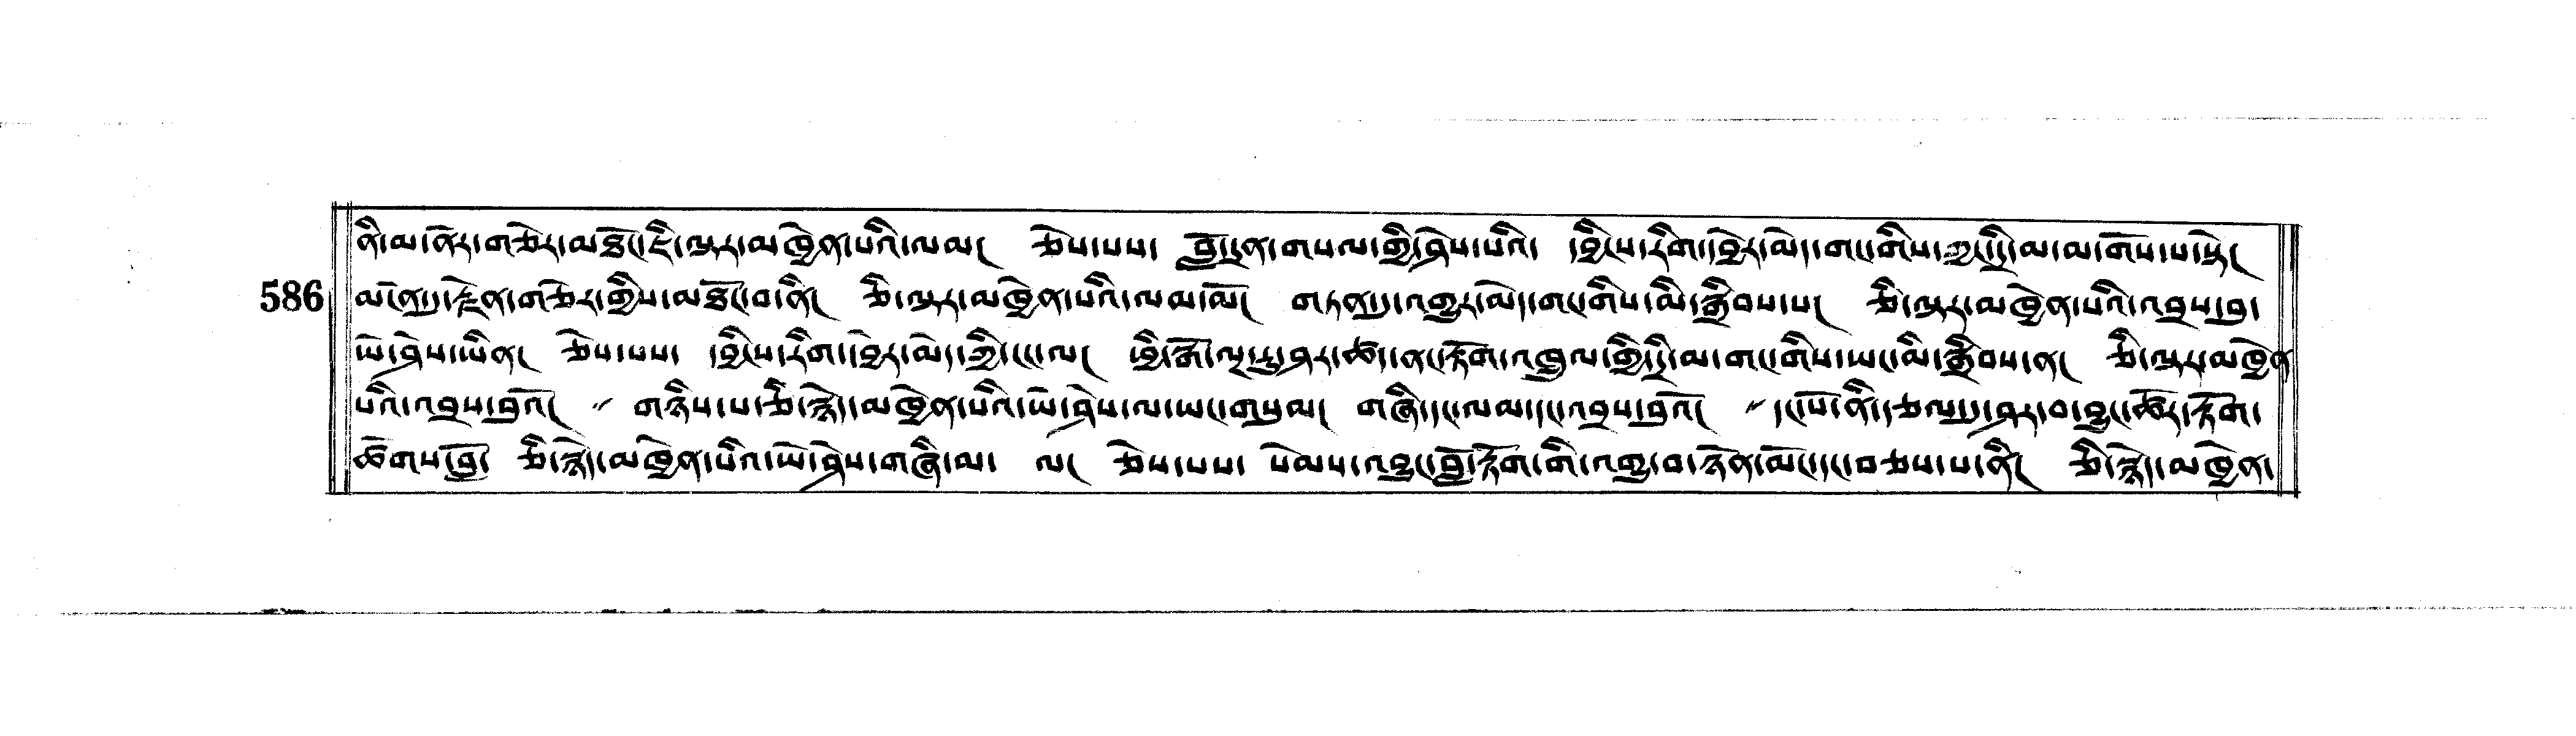ནི། མ་ནོར་གཅེར་མཐོང་ཇི་ལྟར་མཁྱེན་པའི་ལམ། ཅེས་པས། བློ་དྲན་གསལ་གྱི་ཤེས་པའི་དབྱིངས་རིག་དབྱེར་མེད་གང་གིས་ཀྱང་དྲི་མས་མ་གོས་པ་སྟེ། 
མངོན་དུ་རྗེན་གཅེར་གྱིས་མཐོང་བ་ནི། ཅི་ལྟར་མཁྱེན་པའི་ལམ་མོ། གཏན་དུ་འགྱུར་མེད་གང་གིས་མི་བསྒྲིབས་པ། ཅི་ལྟར་མཁྱེན་པའི་འབྲས་བུ་
ཡེ་ཤེས་ཡིན། ཅེས་པས། དབྱིངས་རིག་དབྱེར་མེད་ཀྱི་ངང་ལ། ཕྱི་སྒོ་ལྔ་རུ་ཤར་ཚད་ནང་རྟོག་འཁྲུལ་གྱི་དྲི་མ་གང་གིས་ཀྱང་མི་བསྒྲིབས་ན། ཅི་ལྟར་མཁྱེན་
པའི་འབྲས་བུའོ། ༧ གཉིས་པ་ཅི་སྙེད་མཁྱེན་པའི་ཡེ་ཤེས་ལའང་གསུམ། གཞི་དང་ལམ་དང་འབྲས་བུའོ། ༧ དང་པོ་ནི་རྩལ་དུ་ཤར་བ་བྱུང་ཚོར་རྟོག་
ཚོགས་བློ། ཅི་སྙེད་མཁྱེན་པའི་ཡེ་ཤེས་གཞི་མ་ལ། ཅེས་པས། སེམས་འབྱུང་བློ་རྟོག་གི་འགྱུ་བ་ཉོན་མོངས་དང་བཅས་པ་ནི། ཅི་སྙེད་མཁྱེན་